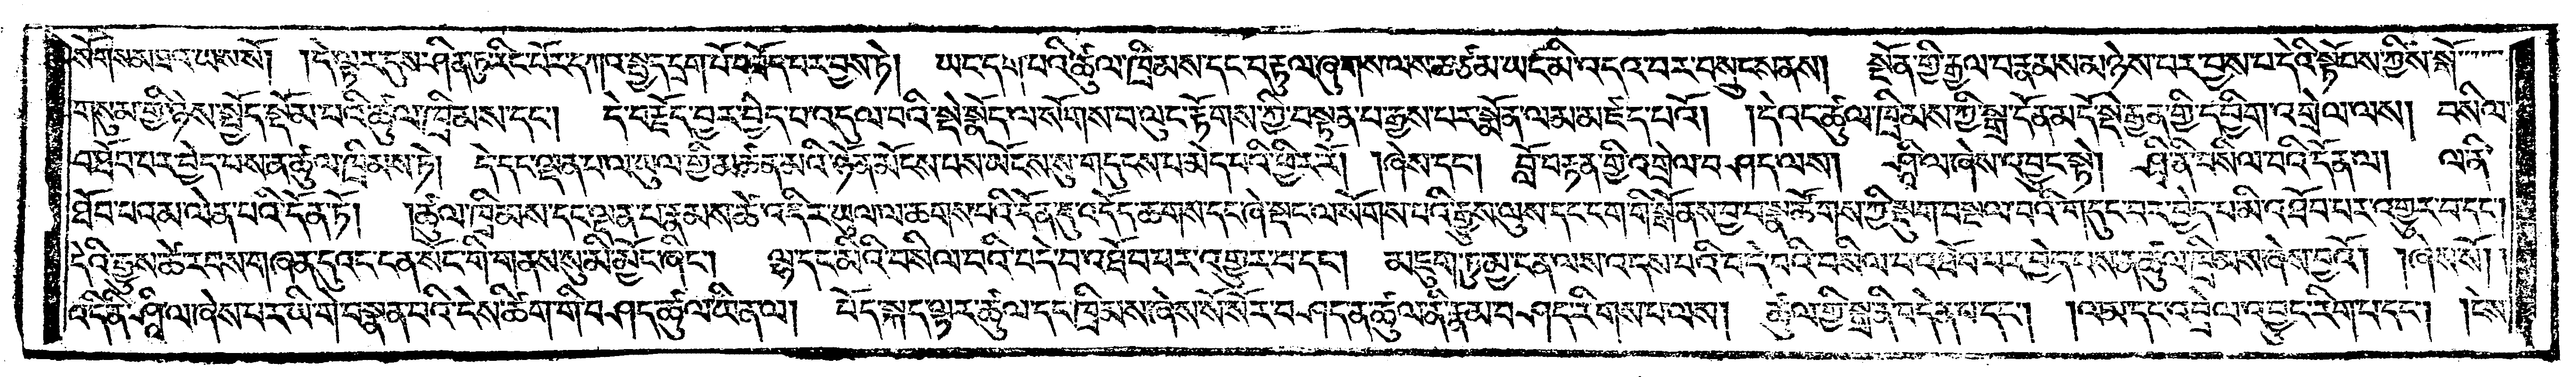སོགས་མཐའ་ཡས་སོ། །དེ་ལྟར་དུས་ཤིན་ཏུ་རིང་པོར་དཀའ་སྤྱད་དྲག་པོ་བཟོད་པར་བྱས་ཏེ། ཡང་དག་པའི་ཚུལ་ཁྲིམས་དང་བརྟུལ་ཞུགས་ལས་ཆ་ཙམ་ཡང་མི་འདའ་བར་བསྲུངས་ནས། སྔོན་གྱི་རྒྱལ་པ་རྣམས་མཉེས་པར་བྱས་པ་དེའི་སྟོབས་ཀྱིས་སྒོ་
གསུམ་གྱི་ཉེས་སྤྱོད་སྡོམ་པའི་ཚུལ་ཁྲིམས་དང་། དེ་བརྗོད་བྱར་བྱེད་པ་འདུལ་བའི་སྡེ་སྣོད་ལ་སོགས་པ་ལུང་རྟོགས་ཀྱི་བསྟན་པ་རྒྱས་པར་སྨོན་ལམ་མཛད་པའོ། །དེའང་ཚུལ་ཁྲིམས་ཀྱི་སྒྲ་དོན་མདོ་སྡེ་རྒྱན་གྱི་དབྱིག། འགྲེལ་ལས། བསིལ་
འཐོབ་པར་བྱེད་པས་ན་ཚུལ་ཁྲིམས་ཏེ། དེ་དང་ལྡན་པ་ལ་ཡུལ་གྱི་མཚན་མའི་ཉོན་མོངས་པས་ཡོངས་སུ་གདུངས་པ་མེད་པའི་ཕྱིར་རོ། །ཞེས་དང་། བློ་བརྟན་གྱི་འགྲེལ་བཤད་ལས། ཤཱི་ལ་ཞེས་འབྱུང་སྟེ། ཤཱི་ནི་བསིལ་བའི་དོན་ལ། ལ་ནི་
ཐོབ་པའམ་ལེན་པའི་དོན་ཏོ། །ཚུལ་ཁྲིམས་དང་ལྡན་པ་རྣམས་ཚེ་འདིར་ཡུལ་ལ་ཆགས་པའི་དོན་དུ་འདོད་ཆགས་དང་ཞེ་སྡང་ལ་སོགས་པའི་རྒྱུས་ལུས་དང་ངག་གི་སྒོ་ནས་བྱ་བ་སྣ་ཚོགས་ཀྱི་སྡུག་བསྔལ་བའི་གདུང་བར་བྱེད་པ་མི་འཐོབ་པར་འགྱུར་བ་དང་།
དེའི་རྒྱུས་ཚེར་རབས་གཞན་དུའང་ངན་སོང་གི་གནས་སུ་མི་མྱོང་ཞིང་། ལྷ་དང་མིའི་བསིལ་བའི་བདེ་བ་འཐོབ་པར་འགྱུར་བ་དང་། མཇུག་ཏུ་མྱ་ངན་ལས་འདས་པའི་བདེ་བའི་བསིལ་པ་འཐོབ་པར་བྱེད་པས་ན་ཚུལ་ཁྲིམས་བྱའོ། །ཞེས་སོ། །
འདི་ནི་ཤཱི་ལ་ཞེས་པར་ཡི་གེ་བསྣན་པའི་དེས་ཚིག་གི་བཤད་ཚུལ་ཡིན་ལ། བོད་སྐད་ལྟར་ཚུལ་དང་ཁྲིམས་ཞེས་སོ་སོར་བཤད་ན་ཚུལ་ནི་རྣམ་བཤད་རིགས་པ་ལས། ཚུལ་གྱི་སྒྲ་ནི་བདེན་པ་དང་། །ལམ་དང་འབྲེལ་འབྱུང་རིག་པ་དང་། །ངེས་